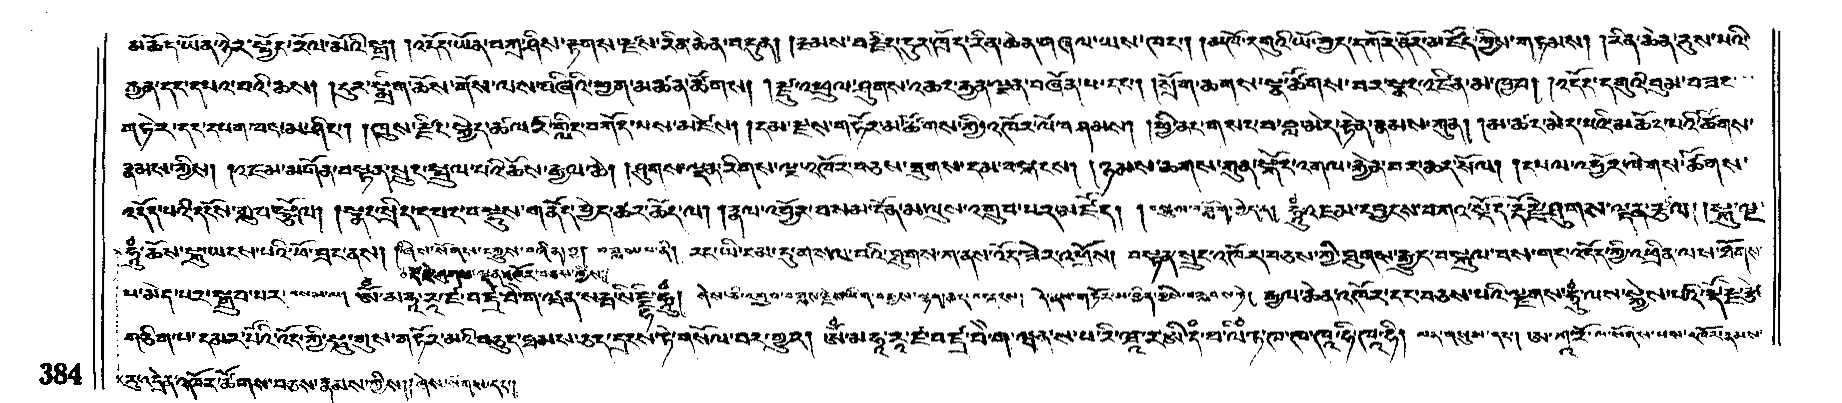མཆོད་ཡོན་ཉེར་སྤྱོད་རོལ་མོའི་སྒྲ། །འདོད་ཡོན་བཀྲ་ཤིས་རྟགས་རྫས་རིན་ཆེན་བདུན། །རྔམས་བརྗིད་དུར་ཁྲོད་རིན་ཆེན་གཞལ་ཡས་ཁང་། །མཁོ་དགུའི་ཡོ་བྱད་དཀོར་ནོར་མཛོད་ཀྱིས་གཏམས། །རིན་ཆེན་རུས་པའི་
རྒྱན་དང་དཔའ་བའི་ཆས། །དུར་སྨྲིག་ཆོས་གོས་ལས་བཞིའི་ཕྱག་མཚན་ཚོས། །རྫུ་འཕྲུལ་ཤུགས་འཆན་རྒྱན་ལྡན་བཞོན་པ་དང་། །སྲོག་ཆགས་སྣ་ཚོགས་བར་སྣང་འཛིན་མ་ཁྱབ། །འདོད་དགུའི་བུམ་བཟང་
གཏེར་དང་དཔག་བསམ་ཤིང་། །ཁུས་རྫིང་སྐྱེད་ཚུལ་བའི་གླིང་བཀོར་པས་མཛེས། །ཛམ་རྫས་གཏོར་མཚོགས་ཀྱི་འཁོར་ལོ་བཤམས། །ཕྱི་ནང་གསང་བ་བླ་མེད་རྟེན་རྣམས་ཀུན། །མ་ཚང་མེད་པའི་མཆོང་པའི་ཚོགས་
རྣམས་ཀྱིས། །འཇམ་མགོན་བསྟན་སྲུང་སྤྲུལ་པའི་ཆོས་རྒྱལ་ཆེ། །ཤུགས་ལྡན་རིགས་ལྔ་འཁོར་བཅས་ཐུགས་དམ་བསྐངས། །ཉམས་ཆགས་ཀུན་སྐོང་འགལ་རྐྱེན་བར་ཆད་སོལ། །དཔལ་འབྱོར་ལེགས་ཚོགས་
འདོད་པའི་དངོས་གྲུབ་སྩོལ། །སྣང་སྲིད་དབང་བསྡུས་གནོད་བྱེད་ཚར་ཆོད་ལ། །རྣལ་འབྱོར་བསམ་དོན་མ་ལུས་འགྲུབ་པར་མཛོད། །བསྐུལ་བཟློག་བྱེད་ན།  ཧཱུཾ་འཇམ་དབྱངས་བཀའ་སྡོད་རྡོ་རྗེ་ཤུགས་ལྡན་རྩལ། །སྐུ་ལྔ་
ཅུ་འདྲེན་འཁོར་ཚོགས་བཅས་རྣམས་ཀྱིས། །ཞེས་སོགས་དང་། ཧཱུཾ་ཆོས་སྐུ་ཡངས་པའི་ཕོ་བྲང་ནས། རྡོ་རྗེ་ཤུགས་ལྡན་འཁོར་བཅས་ཀྱིས།། ཞེས་སོགས་དཀྱུས་བཞིན། ༈། བཟླས་པ་ནི། རང་ཡི་དམ་དུ་གསལ་བའི་ཐུགས་ཀ་ནས་འོད་ཟེར་འཕྲོས། བསྟན་སྲུང་འཁོར་བཅས་ཀྱི་ཐུགས་རྒྱུད་བསྐུལ་བས་གང་འདོད་ཀྱི་འཕྲིན་ལས་ཐོགས་
པ་མེད་པར་སྒྲུབ་པར་བསམ་ལ།  ཨོཾ་མཧཱ་རཱ་ཛ་བཛྲ་བཻ་ག་ཝན་སརྦ་སིདྡྷི་ཧཱུཾ། ཞེས་ཅི་འགྲུབ་བཟླས་རྗེས་ཡིག་བརྒྱས་ལྷན། ཆད་བསྐངས། དེ་ནས་གཏོར་མ་བྱིན་གྱིས་བརླབས་ཏེ།  རྒྱལ་ཆེན་འཁོར་དང་བཅས་པའི་ལྗགས་ཧཱུཾ་ལས་སྐྱེས་པའི་རྡོ་རྗེ་རྩེ་
གཅིག་པ་དམར་པོའི་འོད་ཀྱི་སྐུ་གུས་གཏོར་མའི་བཅུད་ཐམས་ཅད་དྲངས་ཏེ་གསོལ་བར་གྱུར། ཨོཾ་མ་ཧཱ་ཛ་བཛྲ་བཻ་ག་ཝན་ས་པ་རི་ཝཱ་ར་ཨི་དཾ་བ་ལིཾ་ཁ་ཁ་ཁཱ་ཧི་ཁཱ་ཧི། ལན་གསུམ་དང་། ཨ་ཀཱ་རོ་ལ་སོགས་པས་འཁོར་རྣམས